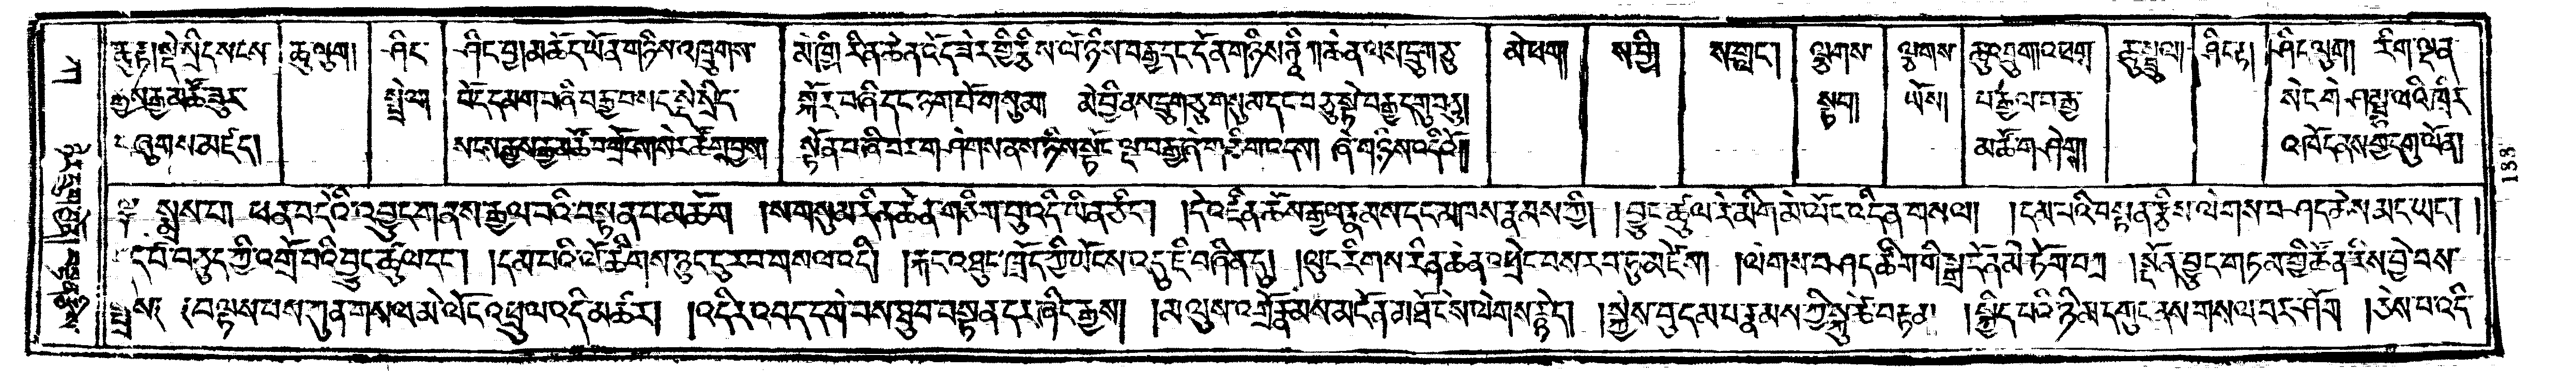ཆུ་རྟ། སྡེ་སྲིད་སངས་ཆུ་ལུག །ཤིང་ཤིང་བྱ། མཆོད་ཡོན་གཉིས་འཁྲུགས་མེ་ཁྱི། རིན་ཆེན་འོད་ཟེར་གྱི་རྩིས་ལོ་ཉིས་བརྒྱ་དང་དོན་གཉིས་ཊཱི་ཀ་ཆེན་ལས་དྲུག་ཅུ་མེ་ཕག། ས་བྱི། ས་གླང་། ལྕགས་ལྕགས་ཆུ་འབྲུག། འཕག་ཆུ་སྦྲུལ། ཤིང་རྟ། ཤིང་ལུག། རིག་ལྡན་
གྱས་རྒྱ་མཚོ་ཟུར་སྤྲེལ། བོད་དམག་བཞི་བརྒྱ་བསང་སྡེ་སྲིད་སྐོར་བཞི་དང་ཉག་པོ་གསུམ། མེ་བྱི་ནས་དྲུག་ཅུ་གསུམ་དང་བཅུ་སྟེ་བརྒྱ་དགུ་བཅུ། སྟབ། ཡོས། པ་རྒྱལ་བ་རྒྱ་སེང་གེ་ཤམྦྷ་ལའི་ཁྲིར་
བཞུགས་མཛད། སངས་རྒྱས་རྒྱ་མཚོ་བ་གྲོངས། སེར་ཚོག་བྱས། སྟོན་བཞི་བར་གཤེགས་ནས་ཉིས་སྟོང་ལྔ་བརྒྱ་ཞེ་གཅིག་འདས། ཞེ་གཉིས་འདིའོ། །མཚོ་གཤེགས། འཁོད་ནས་གྱ་དགུ་ལོན།
༈ སྨྲས་པ། ཕན་བདེའི་འབྱུང་གནས་རྒྱལ་བའི་བསྟན་པ་མཆོག །ས་གསུམ་རིན་པོ་ཆེན་གཅིག་བུ་འདི་ཡིན་ཅིང་། །དེ་འཛིན་ཆོས་རྒྱལ་རྣམས་དང་མཁས་རྣམས་ཀྱི། །བྱུང་ཆུབ་རེ་མིག་མེ་ལོང་འདི་ན་གསལ། །དམ་པའི་བསྟན་རྩིས་ལེགས་བཤད་ཆེས་མང་ཡང་། །
དད་པ་བཅུད་ཀྱི་འགྲོ་བའི་བྱུང་ཚུལ་དང་། །དམ་པའི་ལོ་ཚིགས་ཉུང་དུ་རབ་གསལ་འདི། །རྐང་འཐུང་ཁྲོད་ཀྱི་ཡོངས་འདུ་ཇི་བཞིན་དུ། །ལུང་རིགས་རིན་ཆེན་འཕྲེང་བས་རབ་ཏུ་མཛེས། །ལེགས་བཤད་ཚིག་གི་སྒྲ་དོན་མེ་ཏོག་བཀྲ། །སྔོན་བྱུང་གཏམ་གྱི་ཚོན་རིས་བྱེ་བས་
སྤྲེས། །བལྟས་པས་ཀུན་གསལ་མེ་ལོང་འཕྲུལ་འདི་མཚར། །འདིར་འབད་དགེ་བས་ཐུབ་བསྟན་དར་ཞིང་རྒྱས། །མ་ལུས་འགྲོ་རྣམས་མངོན་མཐོ་ངེས་ལེགས་རྙེད། །སྐྱེས་བུ་དམ་པ་རྣམས་ཀྱི་སྐུ་ཚེ་བརྟན། །སྐྱིད་པའི་ཉི་མ་དགུང་ནས་གསལ་བར་ཤོག །ཅེས་པ་འདི་